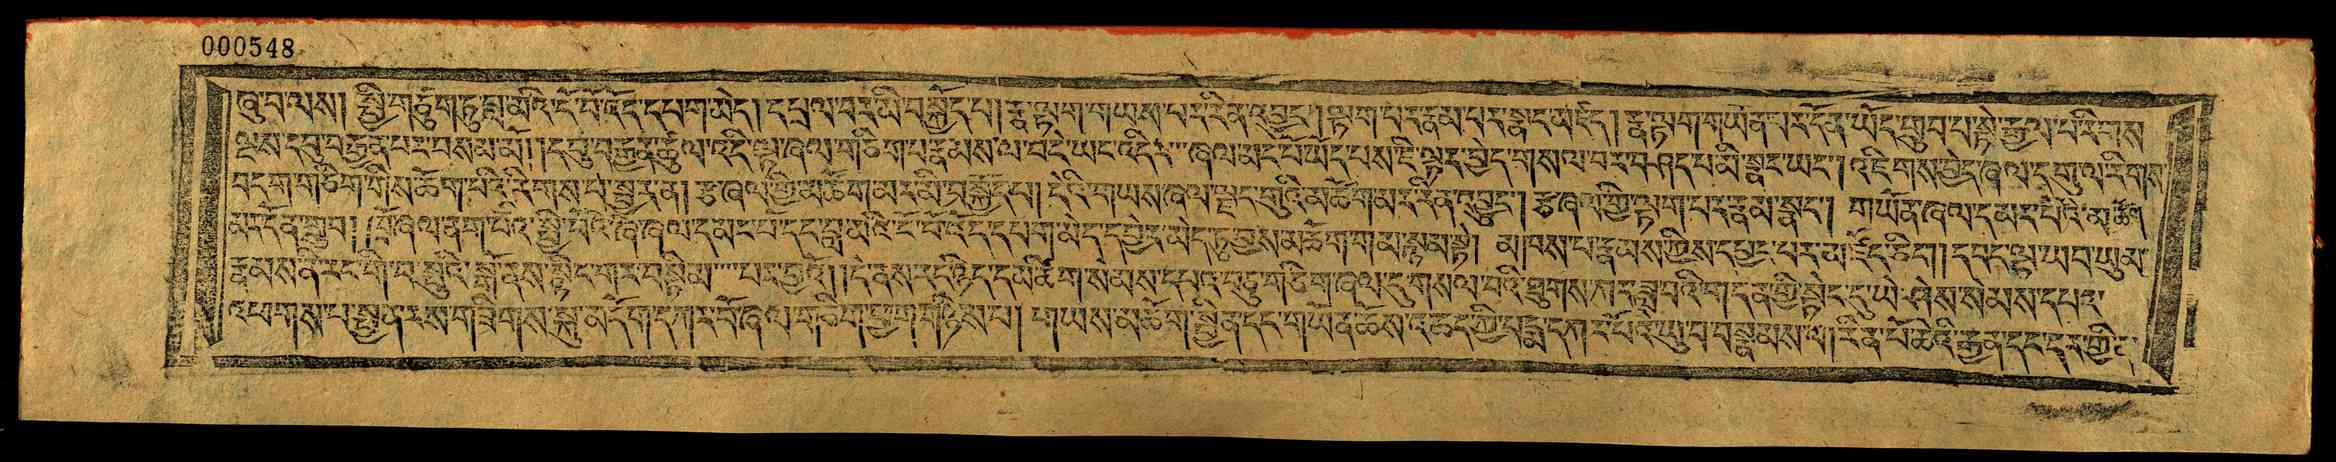ཞུ་བ་ལས། སྤྱི་གཙུག་ཏུ་བླ་མའི་ངོ་བོ་འོད་དཔག་མེད། དཔྲལ་བར་མི་བསྐྱོད་པ། རྣ་ལྟག་གཡས་པར་རིན་འབྱུང་། ལྟག་པར་རྣམ་པར་སྣང་མཛད། རྣ་ལྟག་གཡོན་པར་དོན་ཡོད་གྲུབ་པ་སྟེ་རྒྱལ་བ་རིགས་
ལྔས་དབུ་བརྒྱན་པར་བསམ་མོ། །དབུ་བརྒྱན་ཚུལ་འདི་ལྷ་ཞལ་གཅིག་པ་རྣམས་ལ་བདེ་ཡང་འདིར་ཞལ་མང་པོ་ཡོད་པས་ཇི་ལྟར་བྱེད་གསལ་བར་བཤད་པ་མི་སྣང་ཡང་། འཇིགས་བྱེད་ཞལ་དགུ་ལ་རིགས་
བདག་གཅིག་གིས་ཆོག་པའི་རིགས་པ་སྦྱར་ན། རྩ་ཞལ་གྱི་མཚོག་མར་མི་བསྐྱོད་པ། དེའི་གཡས་ཞལ་ལྗང་གུའི་མཚོག་མར་རིན་འབྱུང་། རྩ་ཞལ་གྱི་ལྟག་པར་རྣམ་སྣང་། གཡོན་ཞལ་དམར་པོའི་མཚོག་
མར་དོན་གྲུབ། ཁྲོ་ཞལ་ནག་པོའི་སྤྱི་བོའི་ཞི་ཞལ་དམར་པོ་དང་བླ་མའི་ངོ་བོ་འོད་དཔག་མེད་དབྱེར་མེད་ཏུ་བྱས་ན་ཆོག་གམ་སྙམ་སྟེ། མཁས་པ་རྣམས་ཀྱིས་དཔྱད་པར་མཛོད་ཅིག །དབང་ལྷ་ཡབ་ཡུམ་
རྣམས་ནི་རང་གི་བ་སྤུའི་སྒོ་ནས་སྙིང་གར་བསྟིམ་པར་བྱའོ། །དེ་ནས་རང་ཉིད་དམ་ཚིག་སེམས་དཔའ་བཅུ་གཅིག་ཞལ་དུ་གསལ་བའི་ཐུགས་ཀར་ཟླ་བའི་གདན་གྱི་སྟེང་དུ་ཡེ་ཤེས་སེམས་དཔའ་
འཕགས་པ་སྤྱན་རས་གཟིགས་སྐུ་མདོག་དཀར་པོ་ཞལ་གཅིག་ཕྱག་གཉིས་པ། གཡས་མཆོག་སྦྱིན་དང་གཡོན་ཆོས་འཆད་ཀྱི་པདམ་དཀར་པོའི་ཡུ་བ་བསྣམས་པ། རིན་པོ་ཆེའི་རྒྱན་དང་དར་གྱི་ན་